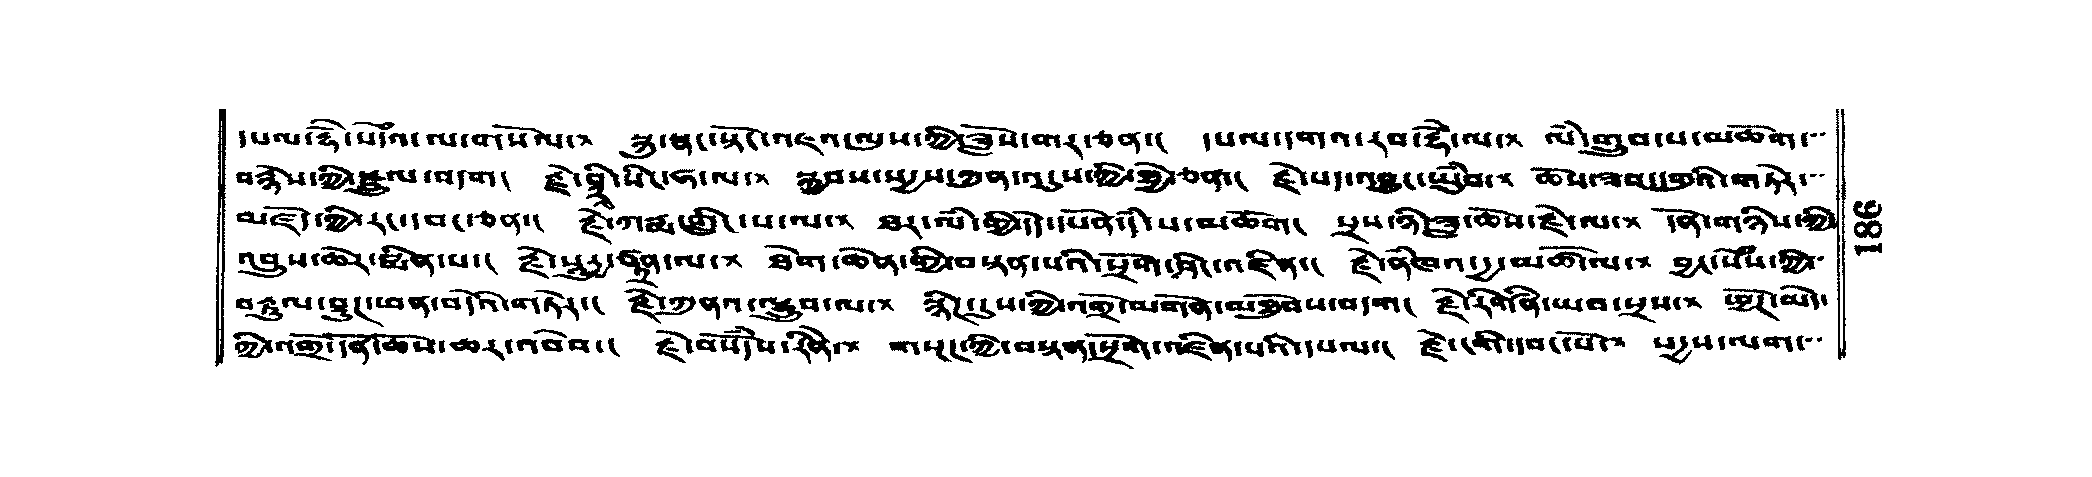།དཔལ་རྡོ་རྗེ་སེམས་དཔའ་ལ་གསོལ༴།སྐུ་སྣང་སྟོང་འཇའ་ལུས་ཀྱི་ཟློས་གར་ཅན། །དཔལ་དགའ་རབ་རྡོ་རྗེ་ལ༴ །ལམ་གྲུབ་པ་མཆོག་
བརྙེས་ཀྱི་རྫུ་འཕྲུལ་བདག །རྗེ་ཤྲཱི་སིང་ཧ་ལ༴ །སྐྱབས་སངས་རྒྱས་ཀུན་འདུས་ཀྱི་ཐུགས་རྗེ་ཅན། །རྗེ་པད་འབྱུང་ཡབ་ཡུམ༴ །ཆོས་ཟབ་དགུའི་གཏེར་
མཛོད་ཀྱི་རང་དབང་ཅན། །རྗེ་ཀརྨ་གླིང་པ་ལ༴ །ཐར་ལམ་གྱི་དེད་དཔོན་དམ་པ་མཆོག །སྲས་ཉི་ཟླ་ཆོས་རྗེ་ལ༴ །དོན་གཉིས་ཀྱི་
འབྲས་བུ་ཆེར་སྨིན་པ། །རྗེ་སཱུརྻ་ཙནྟྲ་ལ༴ །ཐེག་ཆེན་གྱི་བསྟན་པའི་སྲོག་ཤིང་འཛིན། །རྗེ་ནམ་མཁའ་རྒྱ་མཚོ་ལ༴ །བྱང་སེམས་ཀྱི་
བརྟུལ་ཤུགས་ཕན་བདེའི་གཏེར། །རྗེ་ཀུན་དགའ་ལྷུན་གྲུབ་ལ༴ །སྙིགས་དུས་ཀྱི་འགྲོ་མགོན་མཐུ་སྟོབས་བདག །རྗེ་རིག་འཛིན་ཡབ་སྲས༴ །ཕྱོགས་མེད་
ཀྱི་འགྲོ་དོན་ཆོས་ཆར་འབེབ། །རྗེ་བསོད་ནམས་རིན་ཆེན༴ །གསང་སྔགས་ཀྱི་བསྟན་སྲོག་འཛིན་པའི་དཔལ། །རྗེ་ངག་གི་དབང་པོ༴ །སངས་རྒྱས་ལག་